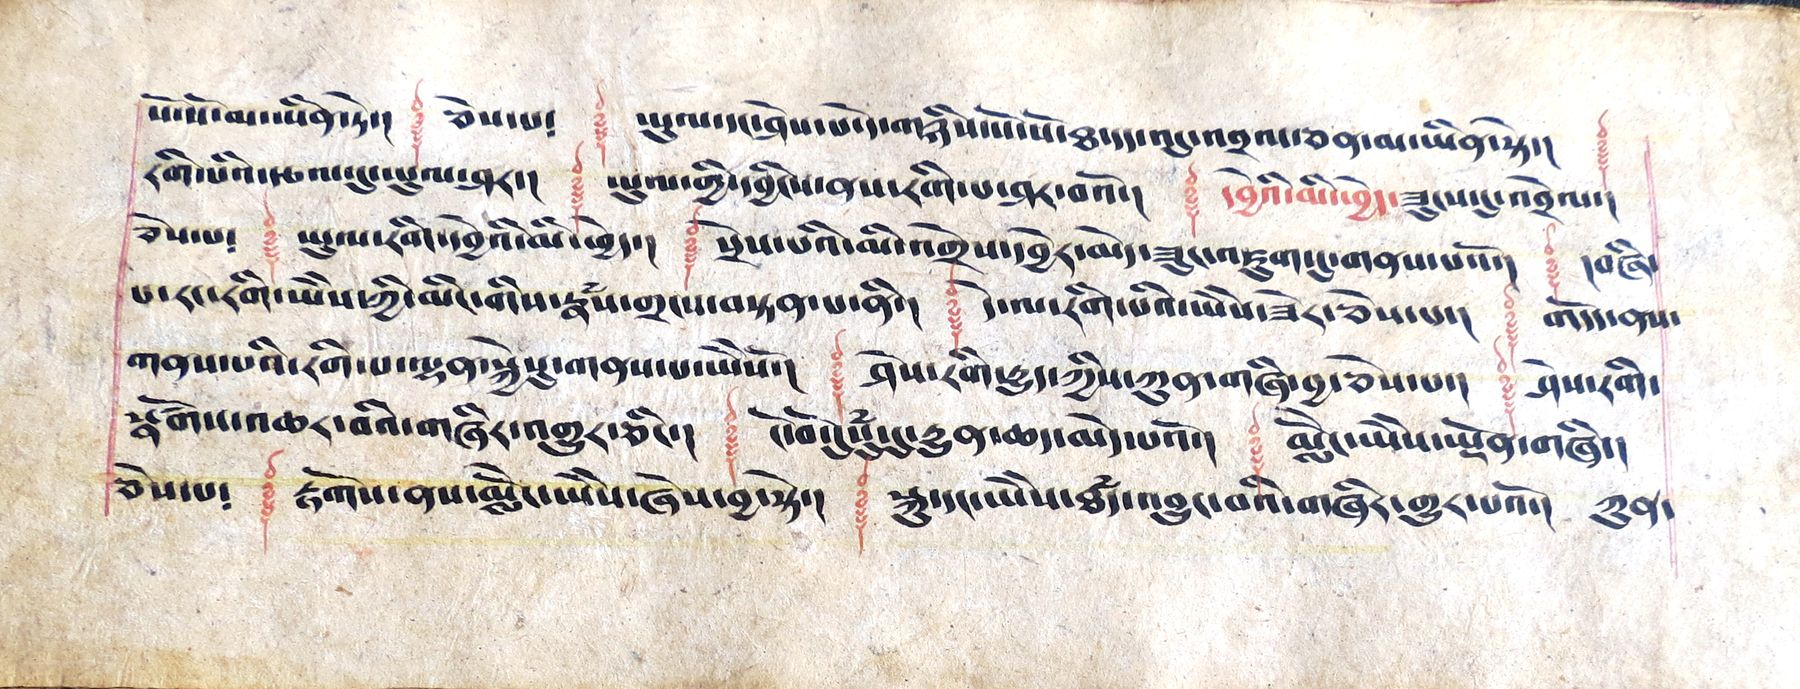སོ་སོ་མ་ཡིན་ཏེ། ཞེས་པས། ཡུལ་དང་ཤེས་པ་དེ་གཉིས་སོ་སོ་ཐ་དད་འདུ་འབྲལ་ཅན་མ་ཡིན་ཏེ། 
རིག་པའི་རྩལ་དུ་ཡུལ་ཤར། ཡུལ་གྱི་དབྱིངས་ནས་རིག་པ་ཤར་བའོ། །དབྱེ་ཡིས་མི་ཕྱེད་ཟུང་དུ་འབྲེལ། །
ཞེས་པས། ཡུལ་རིག་དབྱེ་ཡིས་མི་ཕྱེད། བསྲེས་པས་མ་འདྲེས་དབྱེར་མེད་ཟུང་འཇུག་ཏུ་གནས་པའོ། །བཞི་
པ་རང་རིག་ཡེ་ཤེས་ཀྱི་མིང་གི་རྣམ་གྲངས་བསྟན་པ་ནི། དེ་ལ་རིག་པའི་ཡེ་ཤེས་ཟེར་ཅེས་པས། གདོད་ནས་
གནས་པའི་རིག་པ་ལྷན་སྐྱེས་སུ་གནས་པ་ཡེ་ཤེས་སོ། །ཤེས་རིག་རྒྱུད་ཀྱི་ཀུན་གཞི་བྱ་ཞེས་པས། ཤེས་རིག་
སྣ་ཚོགས་འཆར་བའི་གཞིར་གྱུར་ཅིང་། ངོ་བོ་དུས་གསུམ་དུ་རྒྱུན་ཆད་མེད་པའོ། །མེ་ལོང་ཡེ་ཤེས་ཡོན་ཏན་གཞི་
ཞེས་པས། རྟོགས་ན་མེ་ལོང་ཡེ་ཤེས་ཞེས་བྱ་སྟེ། སྐུ་དང་ཡེ་ཤེས་ཐམས་ཅད་འབྱུང་བའི་གཞིར་གྱུར་བའོ། །ཀུན་